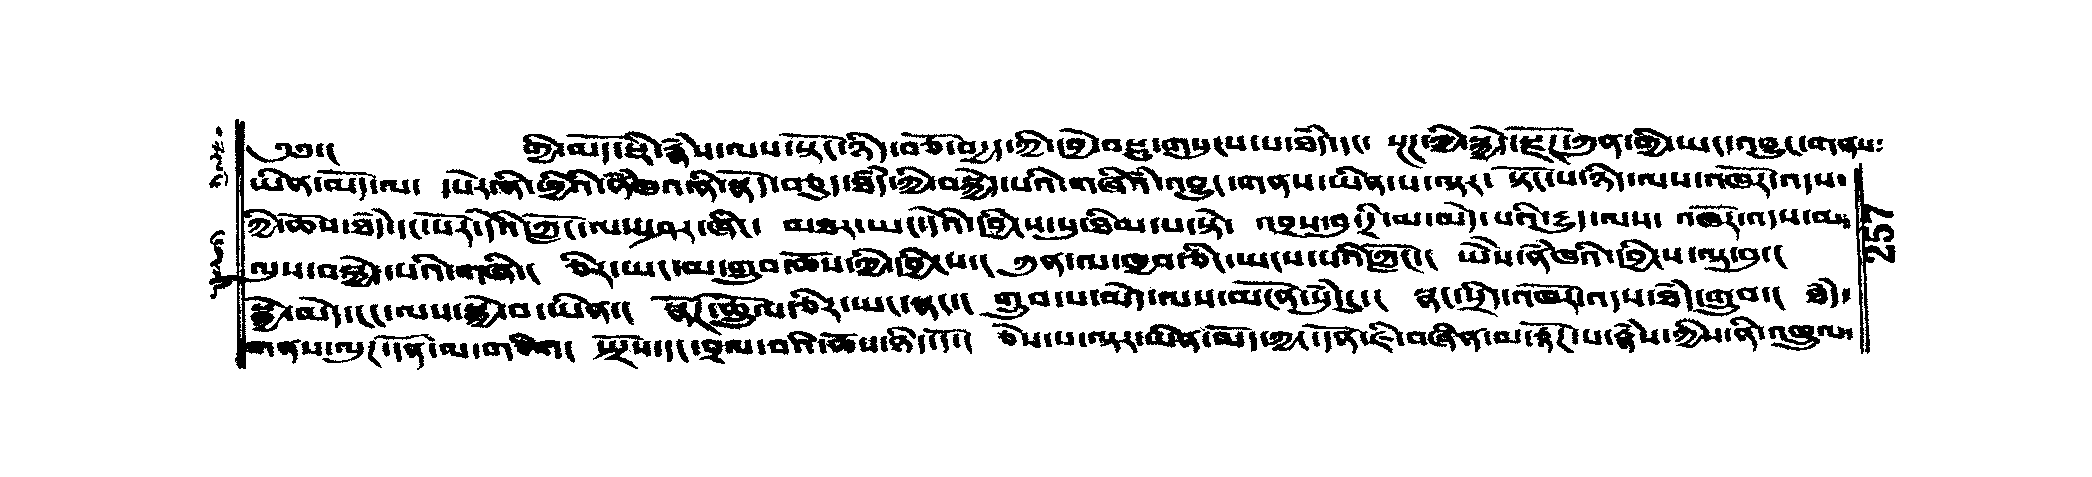གྱི་མདོ་སྡེ་རྣམས་ལས་སྟོང་ཉིད་བཅོ་བརྒྱད་ཀྱི་དབྱེ་བསྡུ་གསུངས་པ་ཐམས་ཅད་དང་། སྔགས་ཀྱི་བསྐྱེད་རྫོགས་ཀུན་གྱི་ཡང་འབྱུང་གནས་
ཡིན་མོད་ལ། དཔེར་ན་ཕྱིའི་ནམ་མཁའ་ནི་སྣོད་བཅུད་ཐམས་ཅད་ཀྱི་བསྐྱེད་པའི་གཞིའམ་འབྱུང་གནས་ཡིན་པ་ལྟར། སྟོང་པ་ཉིད་ལས་འཁོར་འདས་
ཀྱི་ཆོས་ཐམས་ཅད་དང་པོར་དེའི་ཀློང་ལས་ཤར་ཞིང་། མཐར་ཡང་དེའི་དབྱིངས་སུ་ཐིམ་པ་སྟེ། འབྲས་བུ་དྲི་མ་མེད་པའི་རྒྱུད་ལས། འཁོར་འདས་མ་
ལུས་བསྐྱེད་པའི་གཞི། །ཅིར་ཡང་མ་གྲུབ་ཆོས་ཀྱི་དབྱིངས། །ཀུན་ལ་ཁྱབ་ཅིང་ཡངས་པའི་ཀློང་། །ཡེ་ཤེས་ནམ་མཁའི་དབྱིངས་ལྟ་བུ། །
སྐྱེ་མེད་ངང་ལས་སྐྱེ་བ་ཡིན། །སྣ་ཚོགས་ཆོ་འཕྲུལ་ཅིར་ཡང་སྣང་། །གྲུབ་པ་མེད་ལས་མངོན་སུམ་དུ། །སྣང་སྲིད་འཁོར་འདས་ཐམས་ཅད་གྲུབ། །ཐམས་ཅད་
གནས་ལུགས་དོན་ལ་གཅིག །སྤྲོས་དང་བྲལ་བའི་ཆོས་ཉིད་དོ། ཞེས་པ་ལྟར་ཡིན་མོད་ཀྱང་དོན་ཇི་བཞིན་མ་རྟོགས་པ་རྣམས་ཀྱིས་ནི་འཁྲུལ་